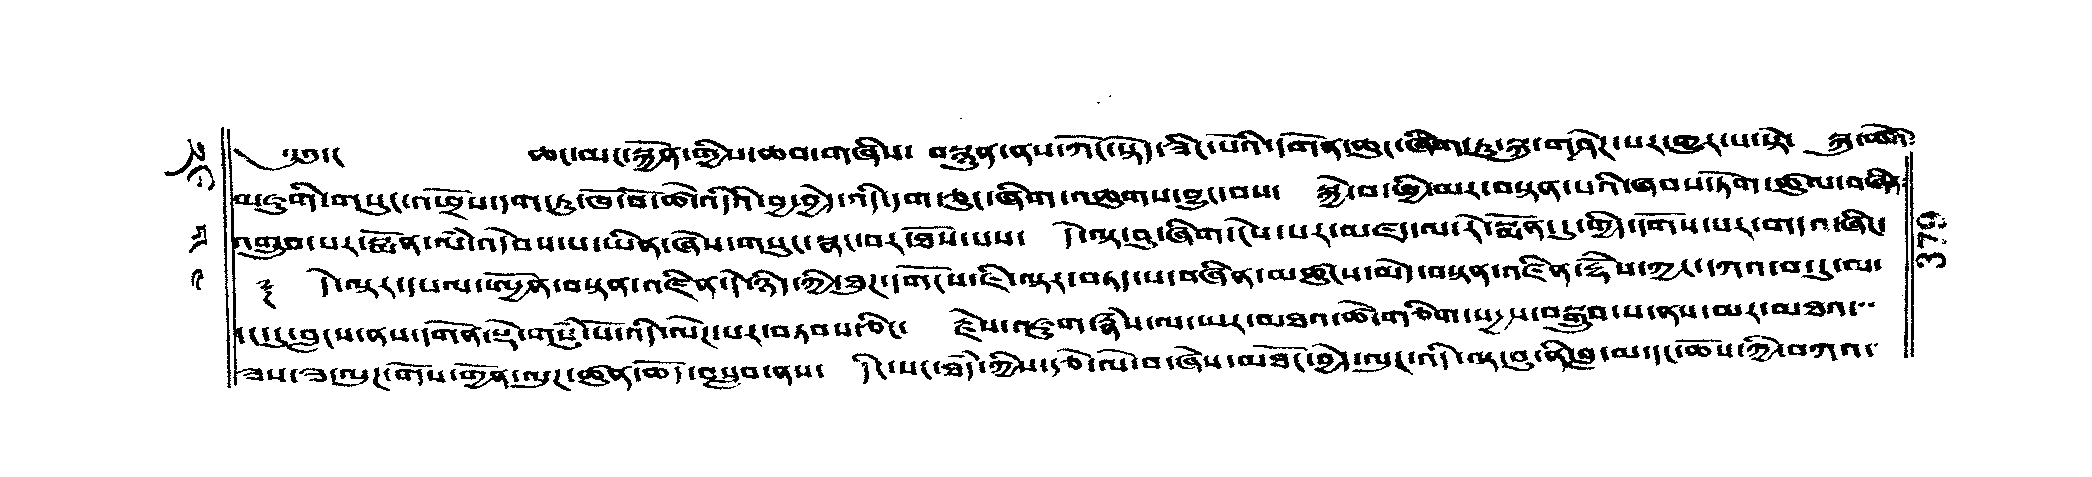ཆང་མང་སྐྱོན་གྱིས་ཆབ་གཞིས་བསྙུན་ནས་ཀོང་སྟོད་ཟིང་པོའི་དགོན་ཆུང་ཞིག་ཏུ་སྐུ་གཤེགས་པར་གྱུར་པ་སྟེ། སྐུ་ཚེའི་
མཇུག་གི་གསུང་འཕྲོས་དག་ཏུ་ཁོ་བོ་ཚེ་འདིའི་བྱ་བྱེད་འདི་དག་ཅུང་ཞིག་འཆུགས་བྱུང་བས། སྐྱེ་བ་ཕྱི་མར་བསྟན་པའི་ཞབས་ཏོག་ཚུལ་བཞིན་
འགྲུབ་པར་སྨོན་ལམ་འདེབས་པ་ཡིན་ཞེས་གསུང་སྣང་བར་ཐོས་པས། དེ་ལྟ་བུ་ཞིག་ངེས་པར་མཛད་ལ་རེ་སྨོན་དུ་བགྱིད་དགོས་པར་གདའ་ཞིང་།
 དེ་ལྟར་དཔལ་ཨོ་རྒྱན་བསྟན་འཛིན་དེ་ཉིད་ཀྱི་ཐུགས་དགོངས་ཇི་ལྟར་བཏད་པ་བཞིན་མཚུངས་མེད་བསྟན་འཛིན་རྡོ་རྗེས་ཀྱང་དཀའ་བ་དུ་མ་
དང་དུ་བླངས་ནས་དགོན་སྡེ་གསུམ་པོ་འདི་ལེགས་པར་བཏབ་ཅིང་། རྗེས་འཇུག་རྣམས་ལ་ཡར་མཐའ་ཚེ་གཅིག་སངས་རྒྱས་བསྒྲུབ་པ་ནས་མར་མཐའ་
ཟས་ཟ་ལུགས་གོས་གྱོན་ལུགས་ཚུན་ཆོད་བསླབས་ནས། དེང་སང་ཐམས་ཅད་ཀྱིས་རྩེ་ལེ་ཞེས་མཐོངས་བྱེད་ལུགས་འདི་ལྟ་བུ་ནི་བླ་མ་དང་ཆོས་ཀྱི་བཀའ་